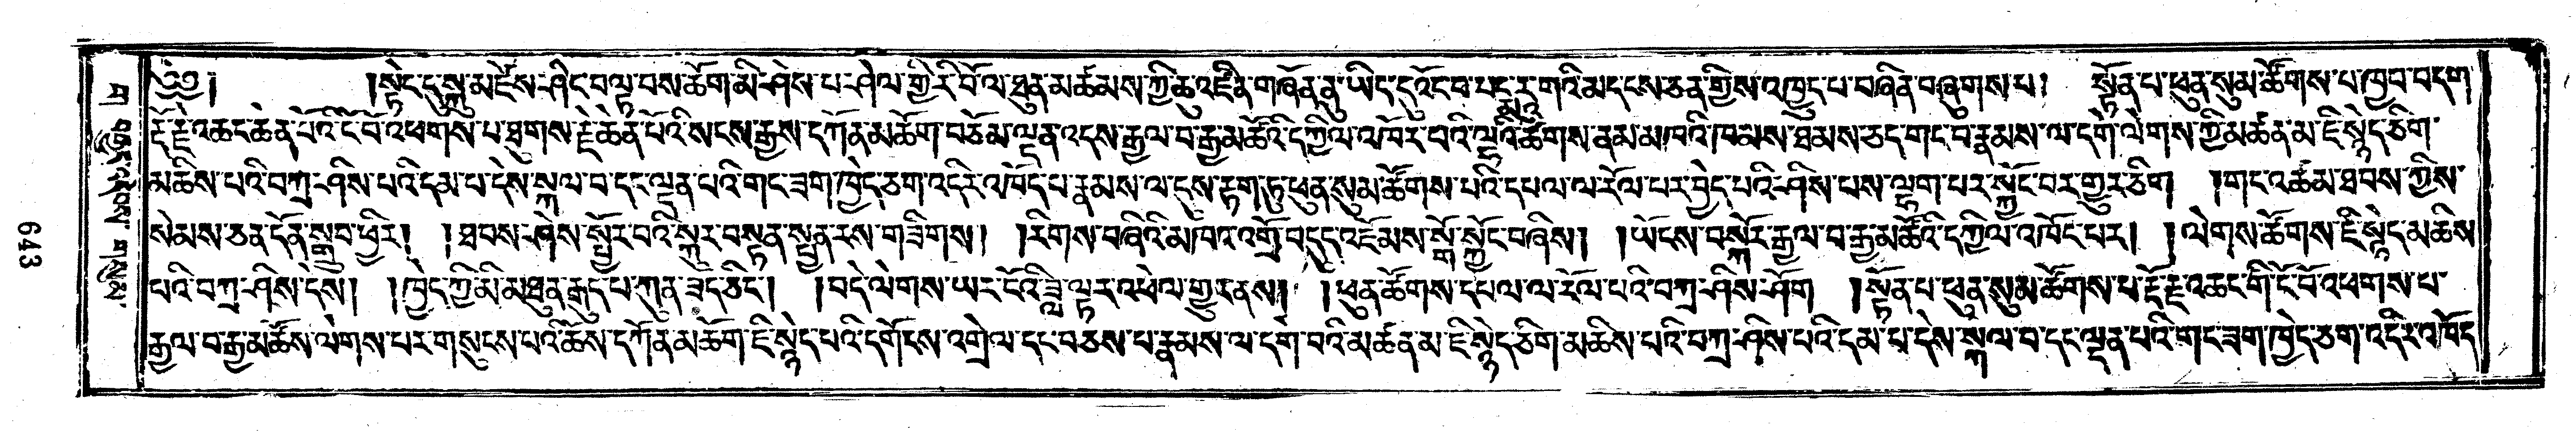༄༅། །སྟེང་དུ་སྐུ་མཛེས་ཤིང་བལྟ་བས་ཆོག་མི་ཤེས་པ་ཤེལ་གྱི་རི་བོ་ལ་ཐུན་མཚམས་ཀྱི་ཆུ་འཛིན་གཞོན་ནུ་ཡིད་དུའོང་པ་པདམ་རཱ་གའི་མད་ངས་ཅན་གྱིས་འཁྱུད་པ་བཞིན་བཞུགས་པ། སྟོན་པ་ཕུན་སུམ་ཚོགས་པ་ཁྱབ་བདག་
རྡོ་རྗེ་འཆང་ཆེན་པོའི་ངོ་བོ་འཕགས་པ་ཐུགས་རྗེ་ཆེན་པོའི་སངས་རྒྱས་དཀོན་མཆོག་བཅོམ་ལྡན་འདས་རྒྱལ་བ་རྒྱ་མཚོའི་དཀྱིལ་འཁོར་བའི་ལྷའི་ཚོགས་ནམ་མཁའི་ཁམས་ཐམས་ཅད་གང་བ་རྣམས་ལ་དགེ་ལེགས་ཀྱི་མཚན་མ་ཇི་སྙེད་ཅིག་
མཆིས་པའི་བཀྲ་ཤིས་པའི་དམ་པ་དེས་སྐལ་བ་དང་ལྡན་པའི་གང་ཟག་ཁྱེད་ཅག་འདིར་འཁོད་པ་རྣམས་ལ་དུས་རྟག་ཏུ་ཕུན་སུམ་ཚོགས་པའི་དཔལ་ལ་རོལ་པར་བྱེད་པའི་ཤིས་པས་ལྷག་པར་སྐྱོང་བར་གྱུར་ཅིག །གང་འཚམ་ཐབས་ཀྱིས་
སེམས་ཅན་དོན་སྒྲུབ་ཕྱིར། །ཐབས་ཤེས་སྤྱོར་བའི་སྐུར་བསྟན་སྤྱན་རས་གཟིགས། །རིགས་བཞིའི་མཁའ་འགྲོ་བདུད་འཇོམས་སྒོ་སྐྱོང་བཞིས། །ཡོངས་བསྐོར་རྒྱལ་བ་རྒྱ་མཚོའི་དཀྱིལ་འཁོར་པར། །ལེགས་ཚོགས་ཇི་སྙེད་མཆིས་
པའི་བཀྲ་ཤིས་དེས། །ཁྱེད་ཀྱི་མི་མཐུན་རྒྱུད་པ་ཀུན་ཟད་ཅིང་། །བདེ་ལེགས་ཡང་ངོའི་ཟླ་ལྟར་འཕེལ་གྱུར་ནས། །ཕུན་ཚོགས་དཔལ་ལ་རོལ་པའི་བཀྲ་ཤིས་ཤོག །སྟོན་པ་ཕུན་སུམ་ཚོགས་པ་རྡོ་རྗེ་འཆང་གི་ངོ་བོ་འཕགས་པ་
རྒྱལ་བ་རྒྱ་མཚོས་ལེགས་པར་གསུངས་པའི་ཆོས་དཀོན་མཆོག་ཇི་སྙེད་པའི་དགོངས་འགྲེལ་དང་བཅས་པ་རྣམས་ལ་དགེ་བའི་མཚན་མ་ཇི་སྙེད་ཅིག་མཆིས་པའི་བཀྲ་ཤིས་པའི་དམ་པ་དེས་སྐལ་བ་དང་ལྡན་པའི་གང་ཟག་ཁྱེད་ཅག་འདིར་འཁོད་